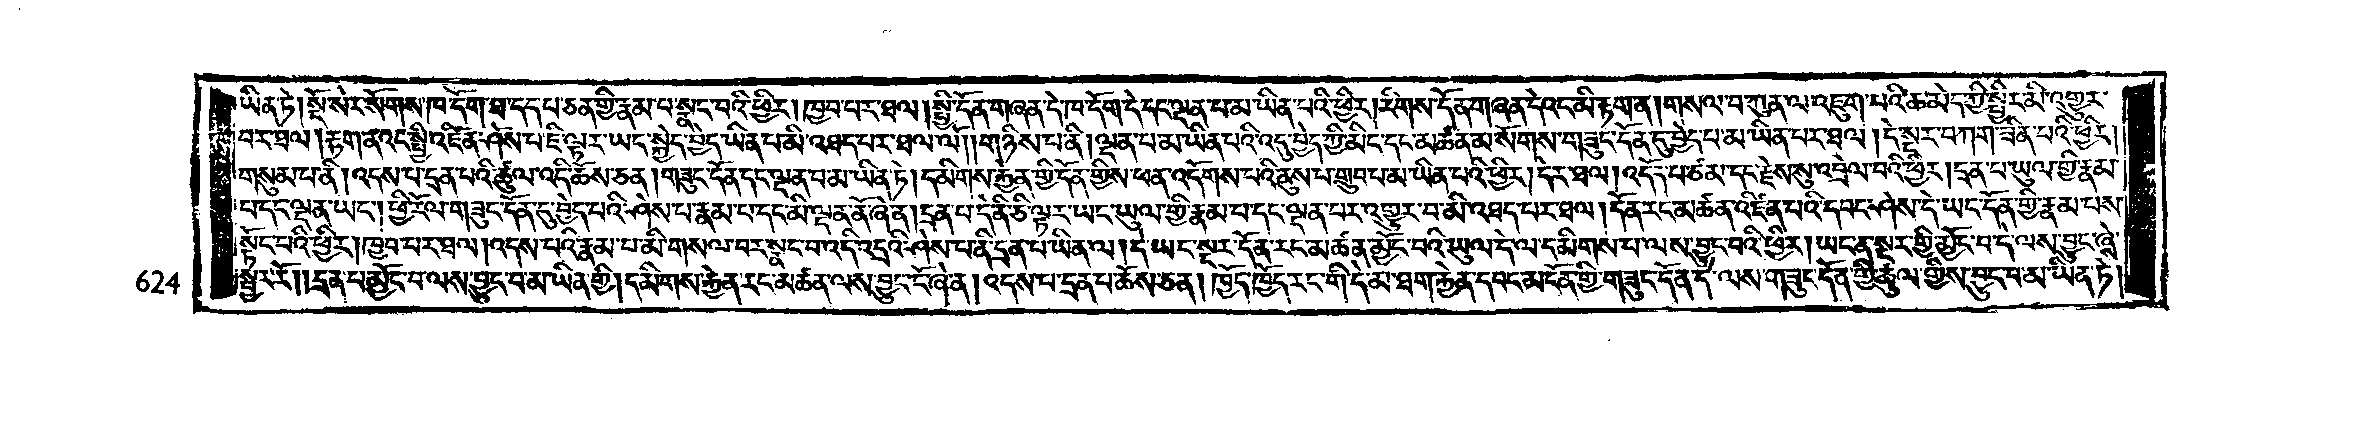ཡིན་ཏེ། སྔོ་སེར་སོགས་ཁ་དོག་ཐ་དད་པ་ཅན་གྱི་རྣམ་པ་སྣང་བའི་ཕྱིར། ཁྱབ་པར་ཐལ། སྤྱི་དོན་གཞན་དེ་ཁ་དོག་དེ་དང་ལྡན་པ་མ་ཡིན་པའི་ཕྱིར། རིགས་དོན་གཞན་དེའང་མི་རྟག་ན། གསལ་བ་ཀུན་ལ་འཇུག་པའི་ཆ་མེད་ཀྱི་སྤྱིར་མི་འགྱུར་
བར་ཐལ། རྟག་ནའང་སྤྱི་འཛིན་ཤེས་པ་ཇི་ལྟར་ཡང་སྐྱེད་བྱེད་ཡིན་པ་མི་འཐད་པར་ཐལ་ལོ། །གཉིས་པ་ནི། ལྡན་པ་མ་ཡིན་པའི་འདུ་བྱེད་ཀྱི་མིང་དང་མཚན་མ་སོགས་གཟུང་དོན་དུ་བྱེད་པ་མ་ཡིན་པར་ཐལ། དེ་སྔར་བཀག་ཟིན་པའི་ཕྱིར།
གསུམ་པ་ནི། འདས་པ་དྲན་པའི་ཚུལ་འདི་ཆོས་ཅན། གཟུང་དོན་དང་ལྡན་པ་མ་ཡིན་ཏེ། དམིགས་རྐྱེན་གྱི་དོན་གྱིས་ཕན་འདོགས་པའི་ནུས་པ་གྲུབ་པ་མ་ཡིན་པའི་ཕྱིར། དེར་ཐལ། འདོད་པ་ཙམ་དང་རྗེས་སུ་འབྲེལ་བའི་ཕྱིར། དྲན་པ་ཡུལ་གྱི་རྣམ་
པ་དང་ལྡན་ཡང་། ཕྱི་རོལ་གཟུང་དོན་དུ་བྱེད་པའི་ཤེས་པ་རྣམ་པ་དང་མི་ལྡན་ནོ་ཞེ་ན། དྲན་པ་དེ་ནི་ཅི་ལྟར་ཡང་ཡུལ་གྱི་རྣམ་པ་དང་ལྡན་པར་འགྱུར་བ་མི་འཐད་པར་ཐལ། དོན་རང་མཚན་འཛིན་པའི་དབང་ཤེས་དེ་ཡང་དོན་གྱི་རྣམ་པས་
སྟོང་པའི་ཕྱིར། ཁྱབ་པར་ཐལ། འདས་པའི་རྣམ་པ་མི་གསལ་བར་སྣང་བ་འདི་འདྲའི་ཤེས་པ་ནི་དྲན་པ་ཡིན་ལ། དེ་ཡང་སྔར་དོན་རང་མཚན་མྱོང་བའི་ཡུལ་དེ་ལ་དམིགས་པ་ལས་བྱུང་བའི་ཕྱིར། ཡང་ན་སྔར་གྱི་མྱོང་བ་དེ་ལས་བྱུང་ཞེས་
སྦྱར་རོ། །དྲན་པ་མྱོང་བ་ལས་བྱུང་བ་མ་ཡིན་གྱི། དམིགས་རྐྱེན་རང་མཚན་ལས་བྱུང་ངོ་ཞེ་ན། འདས་པ་དྲན་པ་ཆོས་ཅན། ཁྱོད་ཁྱོད་རང་གི་དེ་མ་ཐག་རྐྱེན་དབང་མངོན་གྱི་གཟུང་དོན་དེ་ལས་གཟུང་དོན་གྱི་ཚུལ་གྱིས་བྱུང་བ་མ་ཡིན་ཏེ།